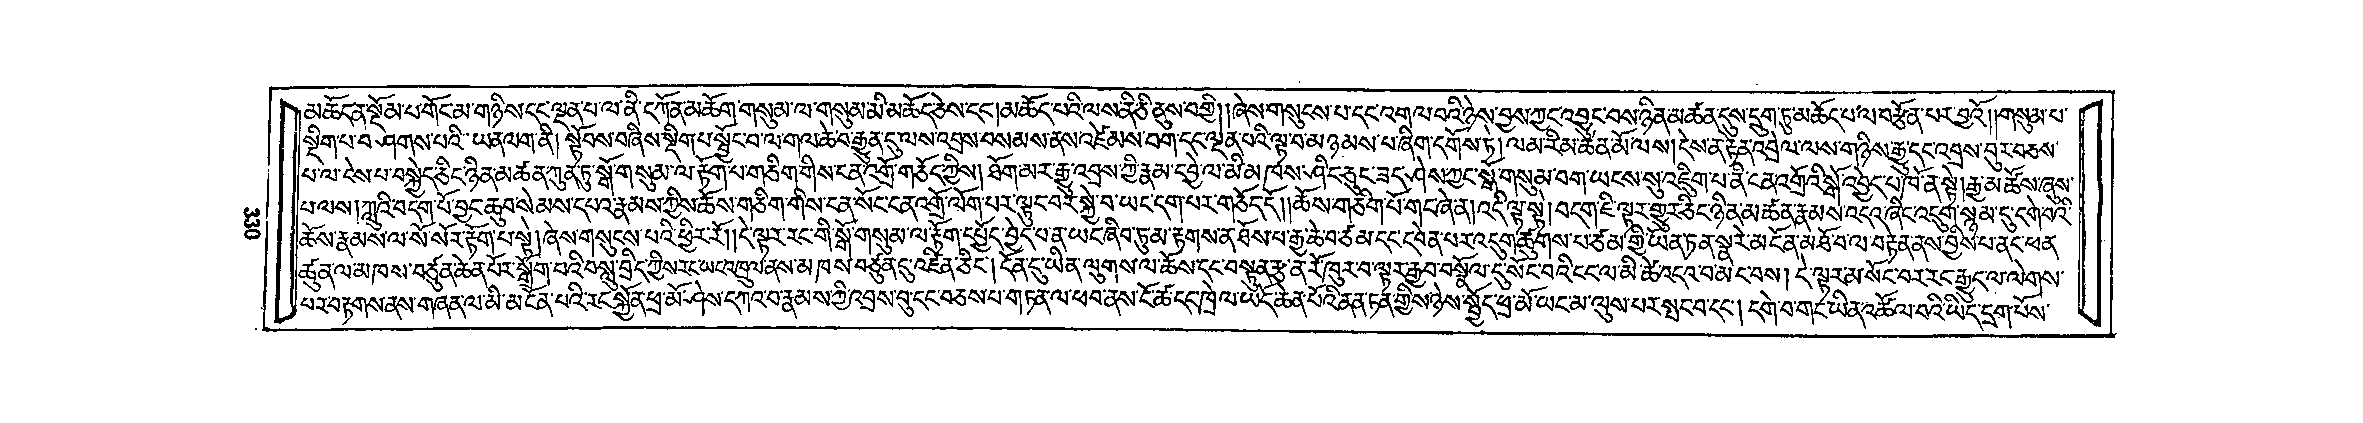མཆོད་ན་སྡོམ་པ་གོང་མ་གཉིས་དང་ལྡན་པ་ལ་ནི་དཀོན་མཆོག་གསུམ་ལ་གསུམ་མི་མཆོད་ཅེས་དང་། མཆོད་པའི་ལས་ནི་ཅི་ནུས་བགྱི། །ཞེས་གསུངས་པ་དང་འགལ་བའི་ཉེས་བྱས་ཀྱང་འབྱུང་བས་ཉིན་མཚན་དུས་དྲུག་ཏུ་མཆོད་པ་ལ་བརྩོན་པར་བྱའོ། །གསུམ་པ་
སྡིག་པ་བཤགས་པའི་ཡན་ལག་ནི། སྟོབས་བཞིས་སྡིག་པ་སྦྱོང་བ་ལ་གལ་ཆེ་བ་རྒྱུན་དུ་ལས་འབྲས་བསམས་ནས་འཛེམས་བག་དང་ལྡན་པའི་ལྟ་བ་མཉམས་པ་ཞིག་དགོས་ཏེ། ལམ་རིམ་ཆེན་མོ་ལས། དེས་ན་རྟེན་འབྲེལ་ལས་གཉིས་རྒྱུ་དང་འབྲས་བུར་བཅས་
པ་ལ་ངེས་པ་བསྐྱེད་ཅིང་ཉིན་མཚན་ཀུན་ཏུ་སྒོ་གསུམ་ལ་རྟོག་པ་གཅིག་གིས་ངན་འགྲོ་གཅོད་ཀྱིས། ཐོག་མར་རྒྱུ་འབྲས་ཀྱི་རྣམ་དབྱེ་ལ་མི་མཁས་ཤིང་ཅུང་ཟད་ཤེས་ཀྱང་སྒོ་གསུམ་བག་ཡངས་སུ་འཇིག་པ་ནི་ངན་འགྲོའི་སྒོ་འབྱེད་པ་ཁོ་ན་སྟེ། རྒྱ་མཚོས་ཞུས་
པ་ལས། ཀླུའི་བདག་པོ་བྱང་ཆུབ་སེམས་དཔའ་རྣམས་ཀྱིས་ཆོས་གཅིག་གིས་ངན་སོང་ངན་འགྲོ་ལོག་པར་ལྟུང་བར་སྐྱེ་བ་ཡང་དག་པར་གཅོད་དོ། །ཆོས་གཅིག་པོ་གང་ཞེ་ན། འདི་ལྟ་སྟེ། བདག་ཇི་ལྟར་གྱུར་ཅིང་ཉིན་མཚན་རྣམས་འདའ་ཞིང་འདུག་སྙམ་དུ་དགེ་བའི་
ཆོས་རྣམས་ལ་སོ་སོར་རྟོག་པ་སྟེ། ཞེས་གསུངས་པའི་ཕྱིར་རོ། །དེ་ལྟར་རང་གི་སྒོ་གསུམ་ལ་རྟོག་དཔྱོད་བྱེད་པ་ན་ཡང་ཞིབ་ཏུ་མ་རྟགས་ན་ཐོས་པ་རྒྱ་ཆེ་བ་ཙམ་དང་དབེན་པར་འདུག་ཚུགས་པ་ཙམ་གྱི་ཡོན་ཏན་སྣ་རེ་མངོན་མཐོ་བ་ལ་བརྟེན་ནས་བྱིས་པ་ནང་ཕན་
ཚུན་ལ་མཁས་བཙུན་ཆེན་པོར་སྒྲོག་པའི་བསླུ་བྲིད་ཀྱིས་རང་ཡང་འཁྲུལ་ནས་མཁས་བཙུན་དུ་འཛིན་ཅིང་། དོན་དུ་ཡིན་ལུགས་ལ་ཆོས་དང་བསྟུན་རྩ་ན་རོ་ཁུར་བ་ལྟར་རྒྱབ་བསྣོལ་དུ་སོང་བའི་ཡྔང་ལ་མི་ཚེ་འདའ་བ་མང་བས། དེ་ལྟར་མ་སོང་བར་རང་རྒྱུད་ལ་ལེགས་
པར་བརྟགས་ནས་གཞན་ལ་མི་མངོན་པའི་རང་སྐྱོན་ཕྲ་མོ་ཤེས་དཀའ་བ་རྣམས་ཀྱི་འབྲས་བུ་དང་བཅས་པ་གཏན་ལ་ཕབ་ནས་ངོ་ཚ་དང་ཁྲེལ་ཡོད་ཆེན་པོའི་ནན་ཏན་གྱིས་ཉེས་སྤྱོད་ཕྲ་མོ་ཡང་མ་ལུས་པར་སྤང་བ་དང་། དགེ་བ་གང་ཡིན་འཚོལ་བའི་ཡིད་དྲག་པོས་